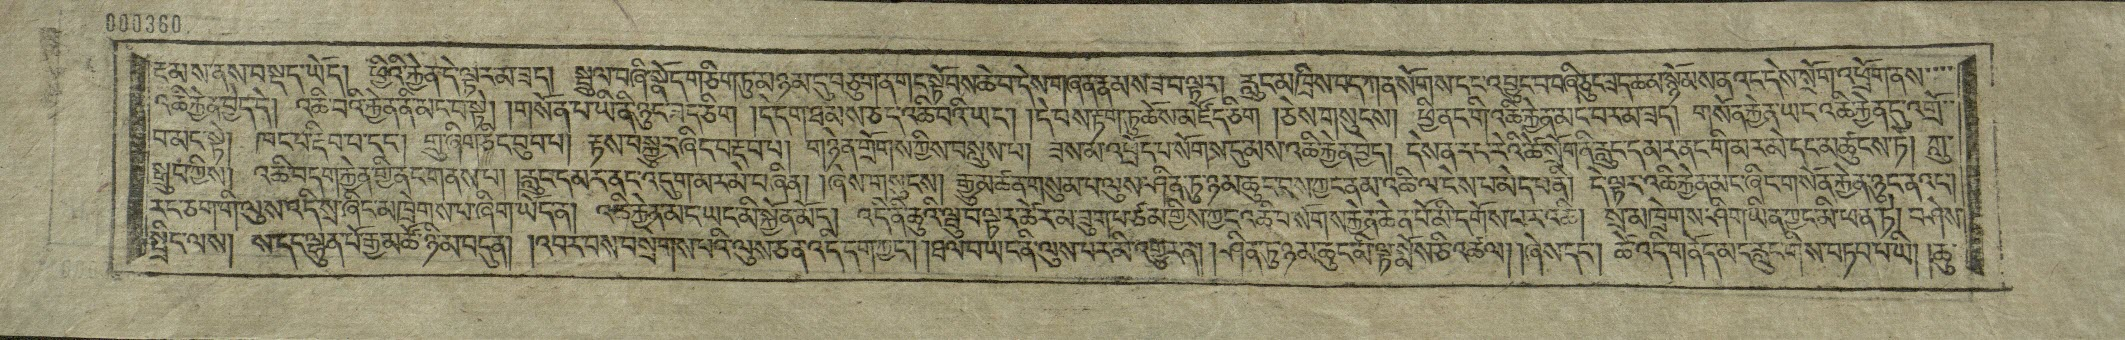རྔམས་ནས་བསྡད་ཡོད། ཕྱིའི་རྐྱེན་དེ་ལྟར་མ་ཟད། སྦྲུལ་བཞི་སྣོད་གཅིག་ཏུ་མཉམ་དུ་བཅུག་ན་གང་སྟོབས་ཆེ་བ་དེས་གཞན་རྣམས་ཟ་བ་ལྟར། རླུང་མཁྲིས་བད་ཀན་སོགས་དང་འབྱུང་བ་བཞི་ཅུང་ཟད་ཆ་མ་སྙོམས་ནའང་དེས་སྲོག་འཕྲོག་ནས་
འཆི་རྐྱེན་བྱེད་དེ། འཆི་བའི་རྐྱེན་ནི་མང་བ་སྟེ། །གསོན་པ་ཡི་ནི་ཉུང་ཟད་ཅིག །དེ་དག་ཐམས་ཅད་འཆི་བའི་ཡང་། །དེ་བས་རྟག་ཏུ་ཆོས་མཛོད་ཅིག །ཅེས་གསུངས། ཕྱི་ནང་གི་འཆི་རྐྱེན་མང་བར་མ་ཟད། གསོན་རྐྱེན་ཡང་འཆི་རྐྱེན་དུ་འགྲོ་
བ་མང་སྟེ། ཁང་པ་རྡིབ་པ་དང་། གྲུ་ཞིག་ཅིང་བུབ་པ། རྟས་བསྐྱུར་ཞིང་བརྡབ་པ། གཉེན་གྲོགས་ཀྱིས་བསླུས་པ། ཟས་མ་འཕྲོད་པ་སོགས་དུ་མས་འཆི་རྐྱེན་བྱེད། དེས་ན་རང་རེའི་ཚེ་སྲོག་ནི་རླུང་དམར་ནང་གི་མར་མེ་དང་མཚུངས་ཏེ། ཀླུ་
སྒྲུབ་ཀྱིས། འཆི་བདག་རྐྱེན་གྱི་ནང་གནས་པ། །རླུང་དམར་ནང་འདུག་མར་མེ་བཞིན། །ཞེས་གསུངས། རྒྱུ་མཚན་གསུམ་པ་ལུས་ཤིན་ཏུ་ཉམ་ཆུང་བས་ཀྱང་ནམ་འཆི་ལ་ངེས་པ་མེད་པ་ནི། དེ་ལྟར་འཆི་རྐྱེན་མང་ཞིང་གསོན་རྐྱེན་ཉུང་ནའང་།
རང་ཅག་གི་ལུས་འདི་སྲ་ཞིང་མཁྲེགས་པ་ཞིག་ཡོད་ན། འཆི་རྐྱེན་མང་ཡང་མི་སྐྱོན་མོད། འདི་ནི་ཆུའི་ཝྦུ་བ་ལྟར་ཚེར་མ་ཟུག་པ་ཙམ་གྱིས་ཀྱང་འཆི་བ་སོགས་རྐྱེན་ཆེན་པོ་མི་དགོས་པར་འཆི། སྲ་མཁྲེགས་ཤིག་ཡིན་ཀྱང་མི་ཕན་ཏེ། བཤེས་
སྤྲིང་ལས། ས་དང་ལྷུན་པོ་རྒྱ་མཚོ་ཉི་མ་བདུན། །འབར་བས་བསྲེགས་པའི་ལུས་ཅན་འདི་དག་ཀྱང་། །ཐལ་བ་ཡང་ནི་ལུས་པར་མི་འགྱུར་ན། །ཤིན་ཏུ་ཉམ་ཆུང་མི་ལྟ་སྨོས་ཅི་འཚལ། །ཞེས་དང་། ཚེ་འདི་གནོད་མང་རླུང་གིས་བཏབ་པ་ཡི། །ཆུ་